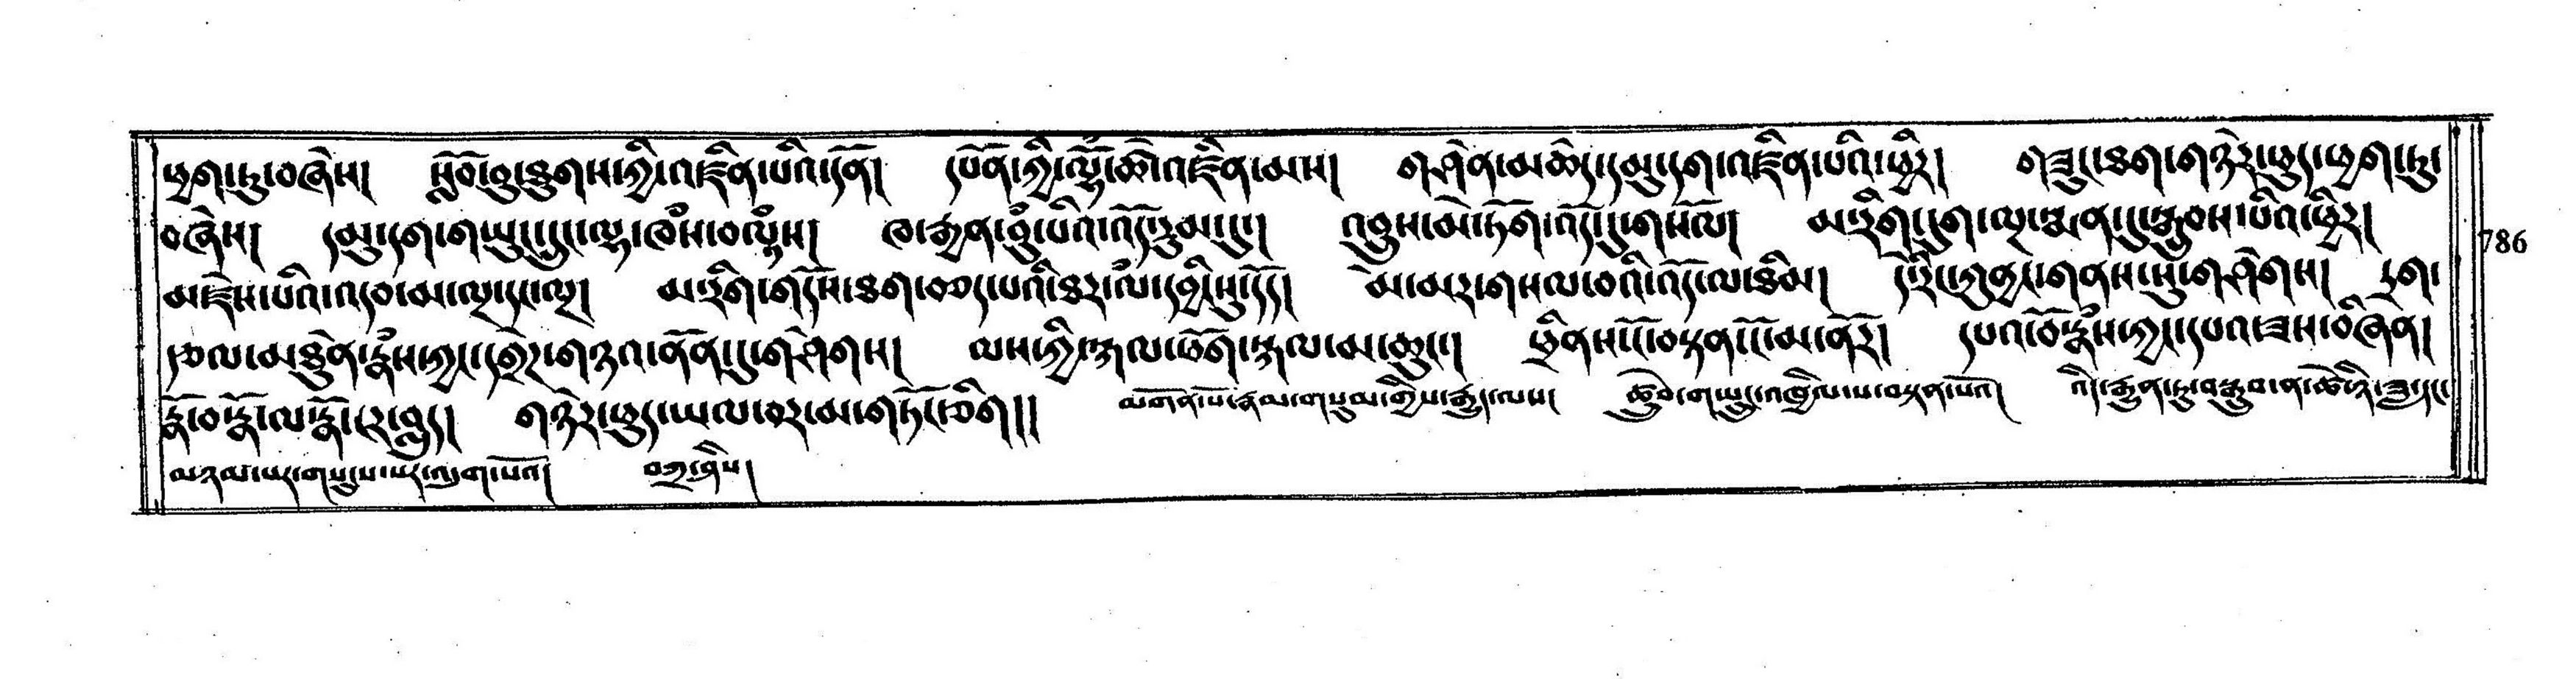ཕུད་ཕྱག་ཏུ་བཞེས། སློབ་བུ་ཐུགས་ཀྱི་འཛིན་པའི་དོན། དཔོན་གྱི་ལྷ་མོ་ཚེ་འཛིན་མས། གཤེན་མཆེད་དམུ་དག་འཛིན་པའི་ཕྱིར། གཟུང་ཐག་གཉེར་ཕུད་ཕྱག་ཏུ་
བཞེས། དམུ་དག་གཡུང་དྲུང་ལྷ་ཁམས་བལྟམས། ཁ་རྒྱན་བུམ་པའི་འོད་རུམ་དུ། འབྲས་བུ་མེ་ཏོག་འོད་དུ་གསོལ། མ་རིག་དུག་ལྔ་སྨན་དུ་བསྒྲུབ་པའི་ཕྱིར། 
མཛེས་པའི་འདབ་མ་ལྔ་དང་ལྔ། མ་རིག་གདོས་ཐག་བཅད་པའི་ཐར་ལམ་དབྱིངས་སུ་དོད། མར་མེ་གསལ་བའི་འོད་ལ་ཐིམ། དེ་རིང་ཀུན་བྱང་གནས་སུ་གཤེགས། དྲག་
རྩལ་མཐུ་ཆེན་རྣམས་ཀྱང་དགྲ་བགེགས་གཉའ་ནོན་དུ་གཤེགས། ལས་ཀྱི་སྐལ་ཕོག་སྐལ་མ་ཆུང་། ཕྲིན་ལས་ངོ་བསྟན་ངོ་མ་ནོར། དཔའ་བོ་རྣམས་ཀྱང་དཔའ་ཟས་བཞིན། 
རྣོ་བ་རྣོ་ལ་རྣོ་ངར་བླུད། གཉེར་ཕུད་ཡུལ་བར་མ་གཏོང་ཅིག།། མགོན་པོ་རྣམ་གསུམ་གྱིས་རྒྱུད་ལས། ཚེ་སྒྲུབ་གཡུང་དྲུང་འཁྱིལ་པ་བསྟན་པའོ། འདི་རྒྱུན་ཏུ་བསྒྲུབ་ན་ཚེ་ཉི་ཟླ་དང་
མཉམ་པར་གསུངས་པར་འདུག་པའོ། བཀྲ་ཤིས།